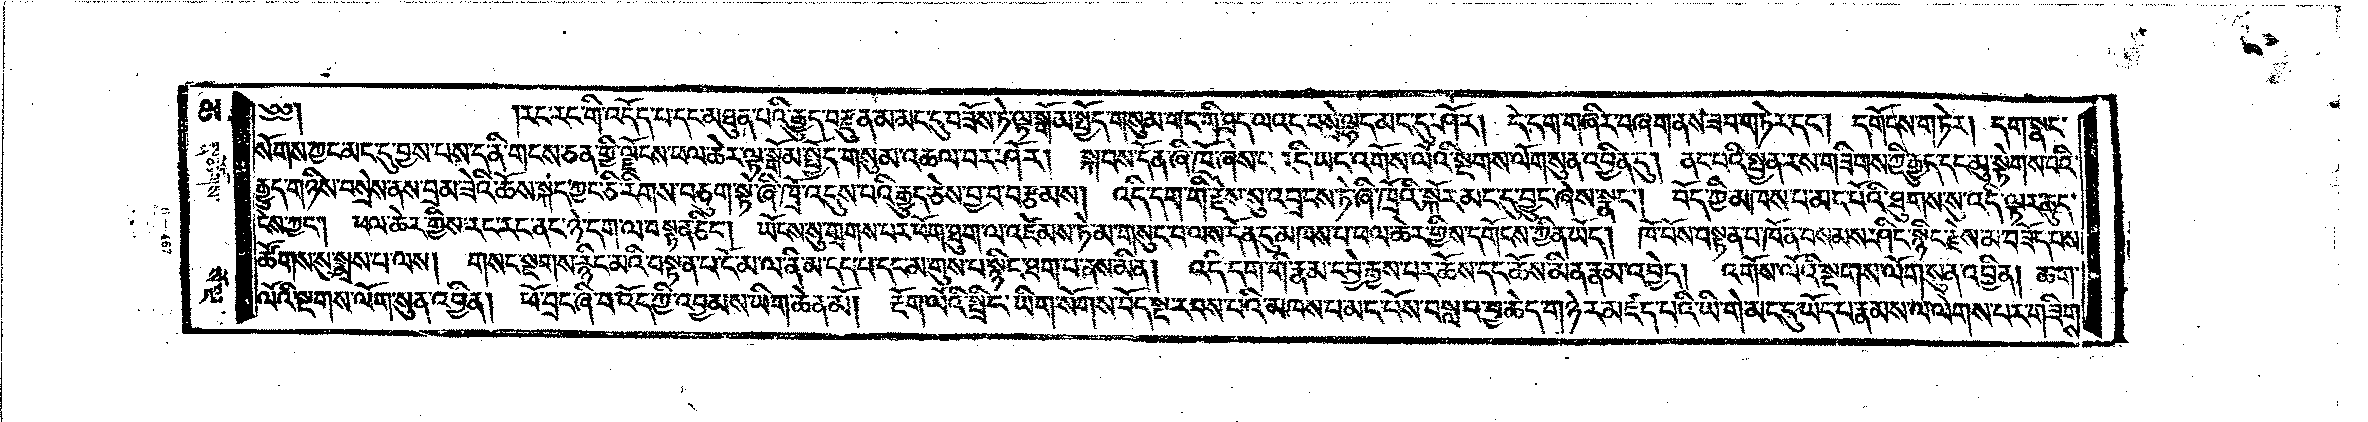༄༅། །རང་རང་གི་འདོད་པ་དང་མཐུན་པའི་རྒྱུད་བརྫུན་མ་མང་དུ་བཟོས་ཏེ་ལྟ་སྒོམ་སྤྱོད་གསུམ་གང་གི་ཐད་ལའང་བསྲེ་ལྷད་མང་དུ་ཤོར། དེ་དག་གཞིར་བཞག་ནས་ཟབ་གཏེར་དང་། དགོངས་གཏེར། དག་སྣང་
སོགས་ཀྱང་མང་དུ་བྱས་པས་ད་ནི་གངས་ཅན་གྱི་ལྗོངས་ཕལ་ཆེར་ལྟ་སྒོམ་སྤྱོད་གསུམ་འཆལ་བར་ཤོར། སྐབས་དོན་ཞི་ཁོ་ཞེས་པ་འདི་ཡང་འགོས་ལོའི་སྔགས་ལོག་སུན་འབྱིན་དུ། ནང་པའི་སྤྱན་རས་གཟིགས་ཀྱི་རྒྱུད་དང་མུ་སྟེགས་པའི་
རྒྱུད་གཉིས་བསྲེས་ནས་བྲམ་ཟེའི་ཆོས་སྐད་ཀྱང་ཅི་རིགས་བཅུག་སྟེ་ཞི་ཁྲོ་འདུས་པའི་རྒྱུད་ཅེས་བྱ་བ་བརྩམས། འདི་དག་གི་རྗེས་སུ་འབྲངས་ཏེ་ཞི་ཁྲོའི་སྐོར་མང་དུ་བྱུང་ཞེས་སྣང་། བོད་ཀྱི་མཁས་པ་མང་པོའི་ཐུགས་སུ་འདི་ལྟར་ཆུད་
ངེས་ཀྱང་། ཕལ་ཆེར་གྱིས་རང་རང་ནང་ཉེ་དག་ལ་བསྟན་ཅིང་། ཡོངས་སུ་གྲགས་པར་ཕོག་ཐུག་ལ་འཛེམས་ཏེ་མ་གསུང་བ་ལས་དོན་དུ་མཁས་པ་ཕལ་ཆེར་གྱིས་དགོངས་ཀྱིན་ཡོད། ཁོ་བོས་བསྟན་པ་ཁོན་བསམས་ཤིང་སྙིང་རྗེས་མ་བཟོད་པས་
ཚོགས་སུ་སྨྲས་བ་ལས། གསང་སྔགས་རྙིང་མའི་བསྟན་པ་ངོ་མ་ལ་ནི་མ་དད་པ་དང་མ་གུས་པ་སྙིང་ཐག་པ་ནས་མིན། འདི་དག་གི་རྣམ་དབྱེ་རྒྱས་པར་ཆོས་དང་ཆོས་མིན་རྣམ་འབྱེད། འགོས་ལོའི་སྔགས་ལོག་སུན་འབྱིན། ཆག་
ལོའི་སྔགས་ལོག་སུན་འབྱིན། ཕོ་བྲང་ཞི་བ་འོད་ཀྱི་འབྱམས་ཡིག་ཆེན་མོ། རྔོག་ལོའི་སྤྲིང་ཡིག་སོགས་བོད་སྔ་རབས་པའི་མཁས་པ་མང་པོས་བསླབ་བྱ་ཆེད་གཉེར་མཛད་པའི་ཡི་གེ་མང་དུ་ཡོད་པ་རྣམས་ལ་ལེགས་པར་གཟིགས་